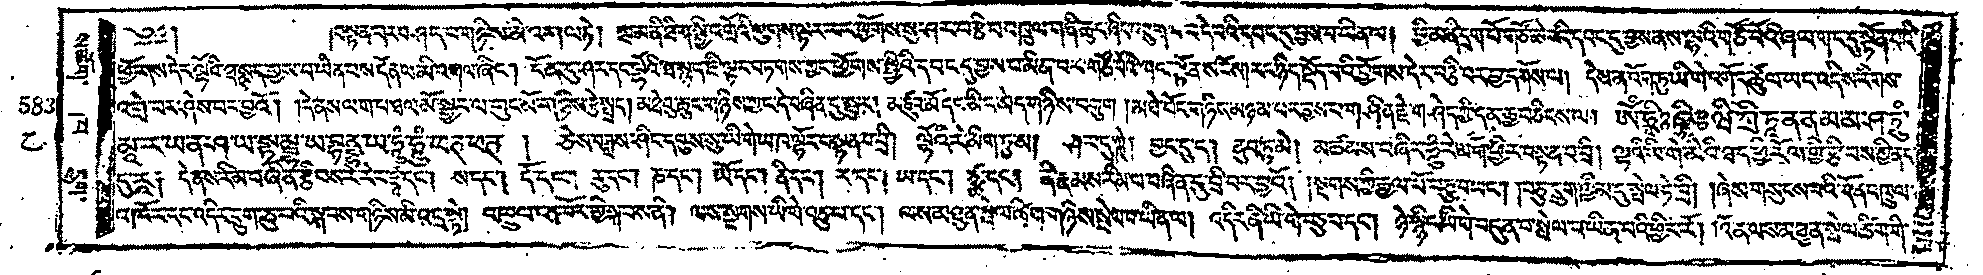༄༅། །བསྟན་བར་བཤད་པ་གཉིས་མེ་འགལ་ཏེ། སྔ་མ་ནི་ཐིག་སྐྱི་འགྲོའི་ལུགས་ལྟར་རང་ཕྱོགས་སུ་ཤར་བརྩིབས་འཁྲུལ་གཞི་ཆུང་ཞིང་འཇུག་པ་བདེ་བའི་དབང་དུ་བྱས་པ་ཡིན་ལ། ཕྱི་མ་ནི་དྲག་པོ་གཙོ་ཆེ་བའི་དབང་དུ་བྱས་ནས་ལྷའི་གཙོ་བོའི་ཞལ་གང་དུ་སྟོན་པའི་
ཕྱོགས་དེར་ལྷོའི་ཐ་སྙད་བྱས་པ་ཡིན་པས་དོན་ལ་མི་འགལ་ཞིང་། དོན་དུ་ཤར་དང་ལྷོའི་ཐ་སྙད་ཇི་ལྟར་བཏགས་ཀྱང་ཕྱོགས་སྤྱིའི་དབང་དུ་བྱས་པ་མིན་པར་གཙོ་བོའི་ཞལ་སྟོན་ས་ངོས། རང་ཉིད་སྡོད་པའི་ཕྱོགས་དེར་བརྩི་བར་བྱ་དགོས་ལ། དེས་ན་འོག་ཏུ་ཡི་གེ་འགོད་ཚུལ་ཡང་འདིས་རིགས་
འགྲེ་བར་ཤེས་བར་བྱའོ། །དེ་ནས་ལག་པ་ཐལ་མོ་སྦྱར་ལ་གུང་མོ་གཉིས་རྩེ་སྤྲད། མཐེའུ་ཆུ་ང་གཉིས་ཀྱང་དེ་བཞིན་དུ་སྦྱར། མཛུའ་མོ་དང་མིང་མེད་གཉིས་བགུག །མཐེ་བོང་གཉིས་མཉམ་པར་བྱས་པ་གཤིན་རྗེ་གཤེད་ཀྱི་དམ་རྒྱ་བཅིངས་ལ། ཨོཾ་ཧྲཱིཿཥྟྲཱིཿ ཝི་ཀྲི་ཏཱ་ན་ན་མ་མ་ཤ་ཏྲུཾ་
མཱ་ར་ཡ་ན་ཤ་ཡ་སྟ་མྦྷ་ཡ་བྷ་ནྡྷ་ཡ་ཧཱུཾ་ཧཱུཾ་ཕཊ་ཕཊ། ཅེས་བཟླས་ཤིང་དབུས་སུ་ཡི་གེ་ཡ་ཁ་ལྷོར་བསྟན་པ་བྲི། ལྷོའི་རེ་མིག་ཏུ་མ། ཤར་དུ་ཀྵེ། བྱང་དུ་ད། ནུབ་ཏུ་མེ། མཚམས་བཞིར་ཧཱུཾ་རེ་མགོ་ཕྱིར་བསྟན་པ་བྲི། ལྷའི་ཡི་གེ་མིའི་ཐད་ཕྱི་རོལ་གྱི་རྩིབས་ཀྱི་ནང་
དུ་རཱ༑ དེ་ནས་རིམ་བཞིན་རྩིབས་རེ་རེར་ཛཱ་དང་། ས་དང་། དོ་དང་། རུ་དང་། ཎ་དང་། ཡོ་དང་། ནི་དང་། ར་དང་། ཡ་དང་། ཙྪ་དང་། ནི་རྣམས་རིམ་པ་བཞིན་དུ་བྲི་བར་བྱའོ། །སྔགས་ཀྱི་རྒྱལ་པོ་པཙྪ་པ་ཡང་། །བཅུ་དྲུག་ཁྱིམ་དུ་སྤེལ་ཏེ་བྲི། །ཞེས་གསུངས་པའི་དོན་འཁྲུལ་
འཁོར་དང་འདིར་དྲུག་ཅུ་པའི་སྐབས་གཉིས་མི་འདྲ་སྟེ། འཁྲུལ་འཁོར་གྱི་སྐབས་ནི། ལས་སྔགས་ཡི་གེ་བཅུ་པ་དང་། ལས་མཐུན་སྤེལ་ཚིག་གཉིས་སྤེལ་བ་ཡིན་ལ། འདིར་ནི་ཡི་གེ་བཅུ་པ་དང་། ཉེ་སྙིང་ཡི་གེ་བདུན་པ་སྤེལ་བ་ཡིན་པའི་ཕྱིར་རོ། །འོ་ན་ལས་མཐུན་སྤེལ་ཚིག་གི་